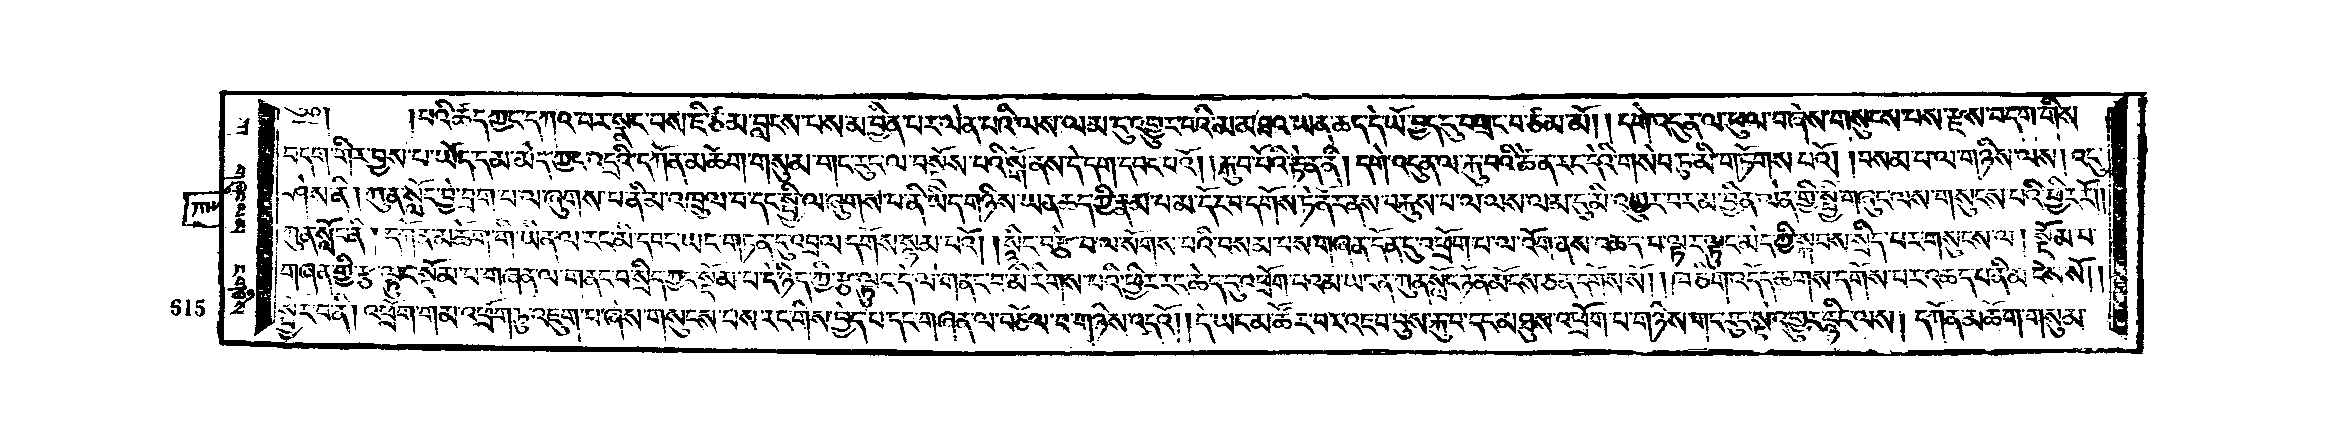༄༅། །པའི་ཚད་ཀྱང་དཀའ་བར་སྣང་བས་ཇི་ཙམ་བླངས་པས་མ་བྱིན་པར་ལེན་པའི་ལས་ལམ་དུ་འགྱུར་བའི་མ་མཐའ་ཡན་ཆད་དེ་ཡོ་བྱད་དུ་བགྲང་བ་ཙམ་མོ། །དགེ་འདུན་ལ་ཕུལ་བ་ཞེས་གསུངས་པས་རྫས་བདག་གིས་
བདག་གིར་བྱས་པ་ཡོད་དམ་མེད་ཀྱང་འདྲའི་དཀོན་མཆོག་གསུམ་གང་རུང་ལ་བསྡོས་པའི་སྒོ་ནས་དེ་དག་དབང་པའོ། །རྐུ་བ་པོའི་རྟེན་ནི། དགེ་འདུན་ལ་རྐུ་བའི་ཚེ་ན་རང་དེའི་གསེབ་ཏུ་མི་གཏོགས་པའོ། །བསམ་པ་ལ་གཉིས་ལས། འདུ་
ཤེས་ནི། ཀུན་སློང་བྱེ་བྲག་པ་ལ་ཞུགས་པ་ནི་མ་འཁྲུལ་བ་དང་སྤྱི་ལ་ཞུགས་པ་ནི་ཡིད་གཉིས་ཡན་ཆད་ཀྱི་རྣམ་པ་མ་དོར་བ་དགོས་ཏེ་ནོར་ནས་བརྐུས་པ་ལ་ལས་ལམ་དུ་མི་འགྱུར་བར་མ་བྱིན་ལེན་གྱི་སྤྱི་གཞུང་ལས་གསུངས་པའི་ཕྱིར་རོ།།
ཀུན་སློང་ནི། དཀོན་མཆོག་གི་ཡིན་ལ་རང་མི་དབང་ཡང་གཏན་དུ་འབྲལ་དགོས་སྙམ་པའོ། །སྙིང་བརྩེ་བ་ལ་སོགས་པའི་བསམ་པས་གཞན་དོན་དུ་འཕྲོག་པ་ལ་འོག་ནས་འཆད་པ་ལྟར་ལྟུང་མེད་ཀྱི་སྐབས་སྲིད་པར་གསུངས་ལ། སྡོམ་པ་
གཞན་གྱི་རྩ་ལྟུང་སྡོམ་པ་གཞན་ལ་གནང་བ་སྲིད་ཀྱང་སྡོམ་པ་དེ་ཉིད་ཀྱི་རྩ་ལྟུང་དེ་ལ་གནང་བ་མི་རིགས་པའི་ཕྱིར་རང་ཆེད་དུ་འཕྲོག་པའམ་ཡང་ན་ཀུན་སློང་ཉོན་མོངས་ཅན་དགོས་སོ། །ཁ་ཅིག་འདོད་ཆགས་དགོས་པར་འཆད་པ་ནི་མ་དེས་སོ། །
སྦྱོར་བ་ནི། འཕྲོག་གམ་འཕྲོག་ཏུ་འཇུག་པ་ཞེས་གསུངས་པས་རང་གིས་བྱེད་པ་དང་གཞན་ལ་བཅོལ་བ་གཉིས་འདའོ། །དེ་ཡང་མ་ཚོར་བར་འཇབ་བུས་རྐུ་བ་དང་མཐུས་འཕྲོག་པ་གཉིས་གང་རུང་སྟེ་འགྱུར་རྙིང་ལས། དཀོན་མཆོག་གསུམ་